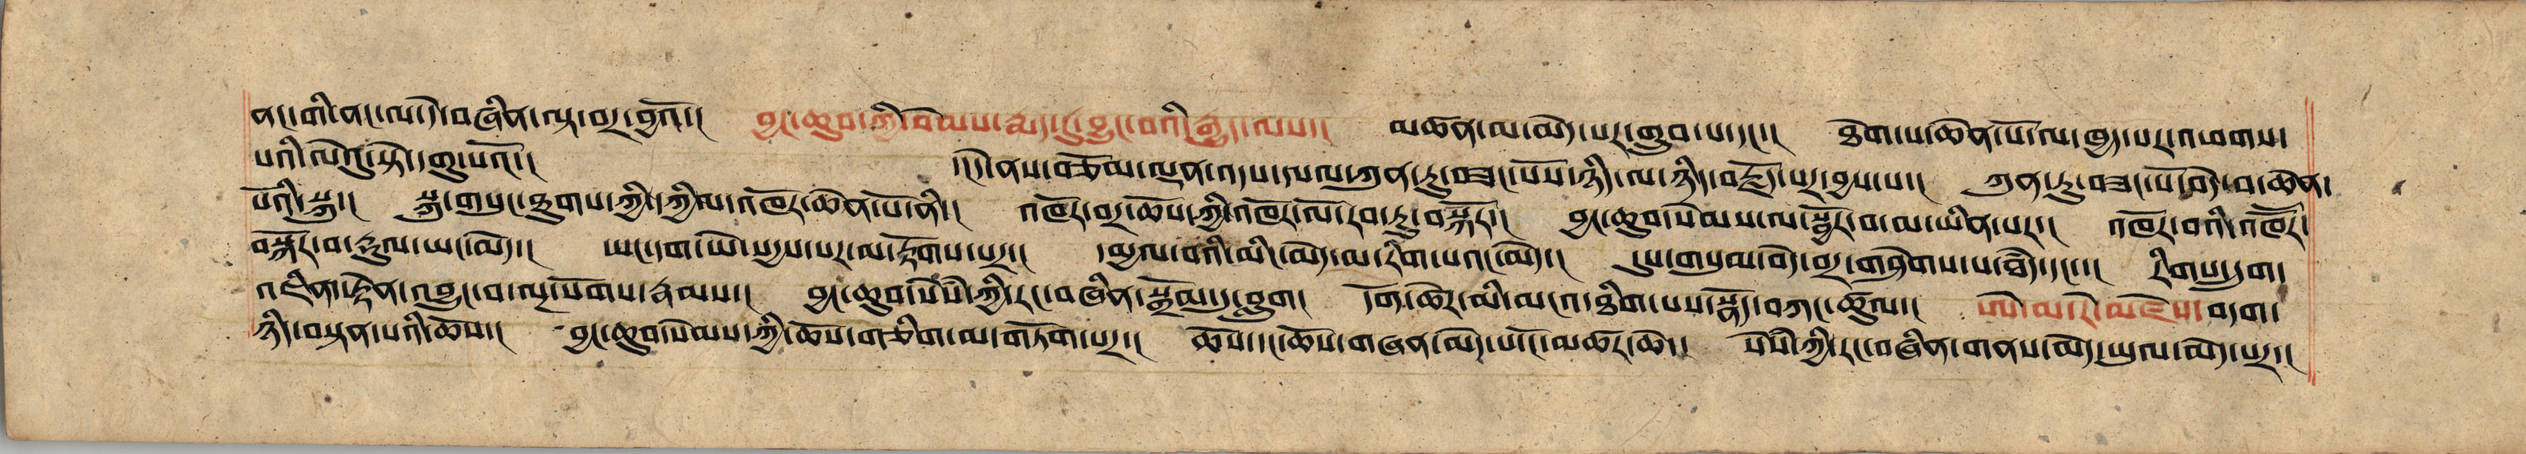ནང་གི་ནང་ལ་དེ་བཞིན་ལྟ་བར་བྱའོ་། བྱང་ཆུབ་ཀྱི་སེམས་རྨད་དུ་བྱུང་བའི་རྒྱུད་ལས་། མཚན་མ་མེད་པར་གྲུབ་པ་དང་། ཐེག་པ་ཆེན་པོ་ལ་ཁྱད་པར་འཕགས་
པའི་ལེའུ་སྟེ་དགུ་པའོ་། ་།དེ་ནསབཅོམ་ལྡན་འདས་དཔལ་ཀུན་ཏུ་བཟང་པོས་ཉིད་ལ་ཉིད་བརྗོད་པར་བྱས་པ་། ཀུན་ཏུ་བཟང་པོ་བདེ་བ་ཆེན་
པོའི་སྐུ་། སྐུ་གསུང་ཐུགས་ཀྱི་དཀྱིལ་འཁོར་ཆེན་པོ་ནི་། འཁོར་བར་ཆོས་ཀྱི་འཁོར་ལོ་རབ་ཏུ་བསྐོར་། བྱང་ཆུབ་སེམས་ལ་སྦྱོར་བ་མ་་ཡིན་པར་། འཁོར་བའི་འཁཽར་
བསྐོར་བ་རྡུལ་་ཡང་མེད་། ཡང་དག་ཡེ་སདྱས་པར་མ་རྟོགས་པར་། དམྱལ་བའི་མིང་མེད་མ་རིག་པའང་མེད་། དུས་གསུམ་བདེ་བར་གཤེགས་པ་ཐཾད་དང་་། རིགས་དྲུག་
འཇིག་རྟེན་འབྱུང་བ་ལྔ་སོགས་རྣམས་། བྱང་ཆུབ་སེསཾ་ཀྱི་རང་བཞིན་སྒྲོམ་དུ་བླུག། དོག་ཚེར་མི་མངའ་ཐིག་པས་སྣོད་བཀང་ཚུལ་། ཨེ་མ་རེ་མཛེས་བདག་
ཉིད་བསྟན་པའི་ཆོས་། བྱང་ཆུབ་སེམས་ཀྱི་ཆོས་གཅིག་མ་གཏོག་པར་། ཆོས་དང་ཆོས་གཞན་མེད་པ་ངོ་མཚར་ཆེ་། སེསཾ་ཀྱི་རང་བཞིན་གནས་མེད་ཡུལ་མེད་པར་།